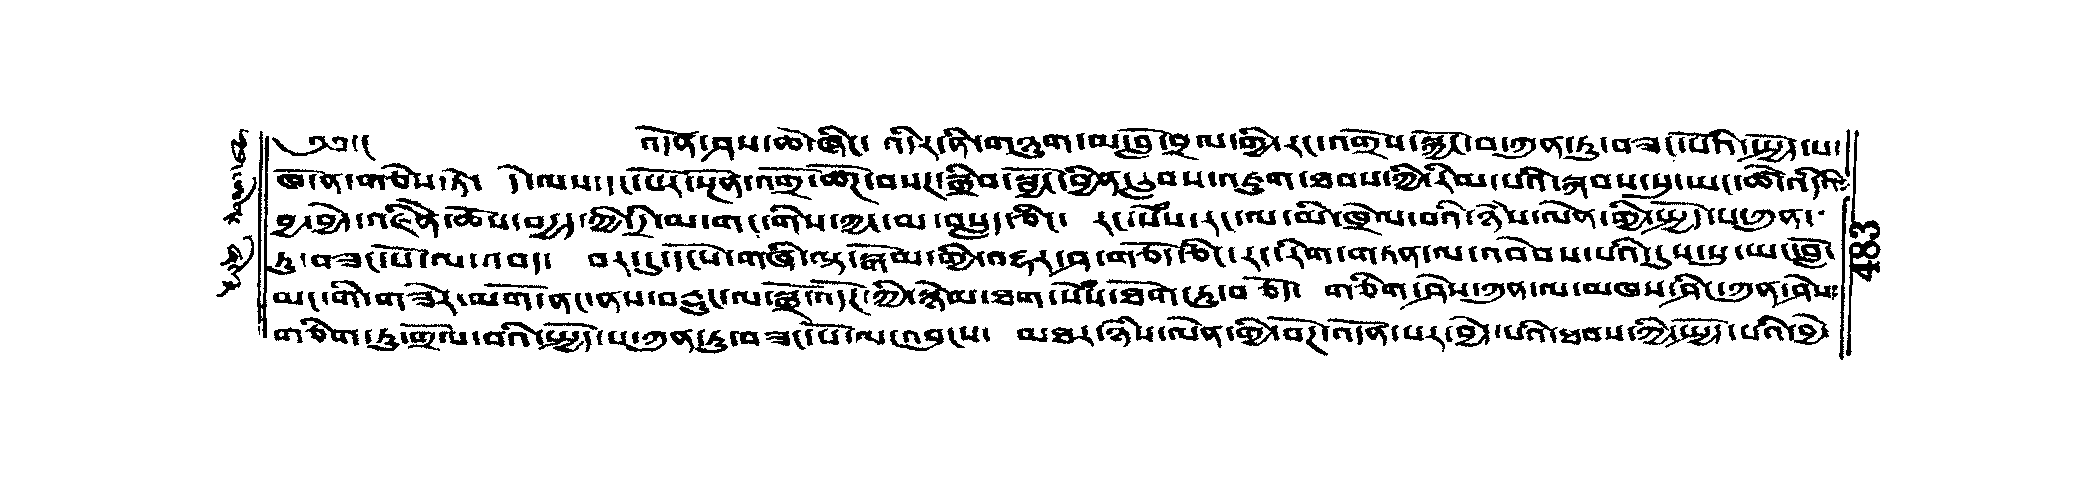འདོན་ཤས་ཆེ་ཞིང་། འདིར་ནི་གཉུག་མ་བློ་བྲལ་གྱི་རང་འགྲོས་སྐྱོང་བ་ཀུན་ཏུ་བཟང་པོའི་སྤྱོད་པ་
ཁོ་ན་གཅེས་ཏེ། དེ་ལས་དང་པོར་སྔོན་འགྲོ་ཚོགས་བསགས་སྒྲིབ་སྦྱོང་བྱིན་རླབས་འཇུག་ཐབས་ཀྱི་རིམ་པའི་སྐབས་སུ་ཡང་ཚེ་འདིའི་
བྱ་བྱེད་འཇིག་རྟེན་ཆོས་བརྒྱད་ཀྱི་དྲི་མ་གང་གིས་ཀྱང་མ་བསླད་ཅིང་། རང་སེམས་རང་ལ་མི་ཁྲེལ་བའི་ཉམས་ལེན་གྱི་སྤྱོད་པ་ཀུན་
ཏུ་བཟང་པོ་ལ་འབད། བར་དུ་དངོས་གཞི་ལྟ་སྒོམ་གྱི་བརྡར་ཤ་གཅོད་ཅིང་། རང་རིག་གཏན་ལ་འབེབས་པའི་དུས་སུ་ཡང་བློ་
མང་གི་གཟེར་མགོ་ནང་ནས་བརྡུངས་ལ་སྒྲོ་འདོགས་ཀྱི་སྙེམས་ཐག་སེམས་ཐོག་ཏུ་གཅོད། གཅིག་ཤེས་ཀུན་ལ་མཁས་ཤིང་ཀུན་ཤེས་
གཅིག་ཏུ་གྲོལ་བའི་སྤྱོད་པ་ཀུན་ཏུ་བཟང་པོ་ལ་འབུངས།མཐར་ཉམས་ལེན་གྱི་བོགས་འདོན་པར་བྱེད་པའི་ཐབས་ཀྱི་སྤྱོད་པའི་བྱེ་